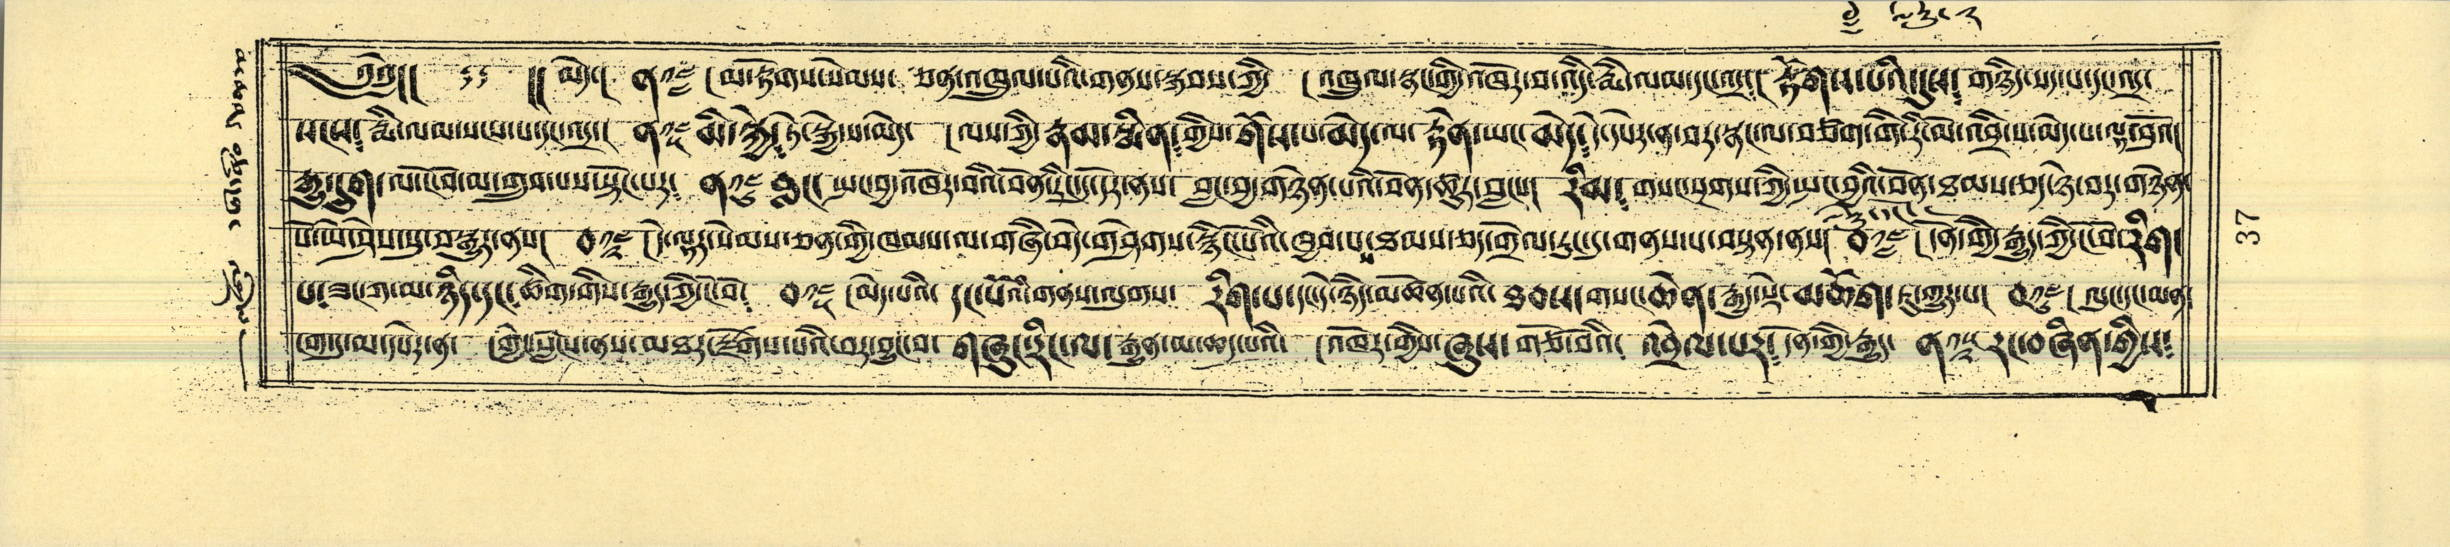མེད་ན༡༤།༤ མ་རྟོགས་སེམས་ཅན་འཁྲུལ་པའི་གནས་སྐབས་ཀྱི། འཁྲུལ་སྣང་གི་འཁོར་བ་འདི་རྨི་ལམ་དང་འདྲ། ༼རྟོགས་པའི་དུས༽གཉིད་སད་པ་དང་འདྲ།
༼སངས༽རྨི་ལམ་སངས་པ་དང་འདྲ། ན༡༤།༥ མི་སྐྱེ་སྟེ་སྐྱེ་བ་མེད། ལས་ཀྱི་༼རྣམ་སྨིན་༽གྱིས་༼གོས་༽པ་༼མེད་༽ལ། ༼རྟེན་༽ཡང་༼མེད་༽དེ་དཔེར་ན་བར་སྣང་ལ་བཙག་གི་རི་མོ་འབྲི་ས་མེད་པ་ལྟ་བུའོ། 
༼རྒྱུ་དྲུག་ལ༽ངོ་བོ་མ་གྲུབ་པས་སྟོང་པར་ན༡༤།༦ ༼བླང་༽སྤང་བྱ་འཁོར་བའི་བོན་རིང་དུ་དོར་ནས་བླང་བྱ་གཉེན་པོའི་བོན་ཚུར་བླངས། ༼རིམ༽གསང་སྔགས་ཀྱི་སྤང་བྱའི་བོན་ཐམས་ཅད་ཉེ་བར་གཉེན་
པོ་ཡེ་ཤེས་སུ་བསྒྱུར་ནས་བ༡༤།༢ དེ་ལྟར་སེམས་ཅན་གྱི་ཁམས་ལ་གཞི་བདེར་གཤེགས་སྙིང་པོའི་ཁྱབ་པ་ཐམས་ཅད་གྲོལ་རུང་དུ་གནས་པ་བསྟན་ནས། ན༡༤།༤ དོན་གྱི་རྒྱུད་ཀྱི་ངོ་བོ་༼རིག་
པ་༽ཟང་ཀ་མ་༼ཉིད་དང་༽ཚིག་གིས་རྒྱུད་ཀྱི་ངོ་བོ་བ༡༤།༥ མེད་པའི་༼དང་པོའི༽གནས་ལུགས་ ༼རིག་པ་༽དང་དེ་ཉིད་མཚོན་པའི་༼ཐབས་༽གསང་༼ཆེན༽རྒྱུད་སྡེ་༼མཆོག༽ཏུ་གྱུར་པ། བ༡༤།༦ ལུང་དང་མན་
ངག་དུ་མ་དཔེར་ན། གླེང་སློང་ནས་མཐར་རྫོགས་པའི་བར་བྱུང་བ་ ༼གཞུང་རིང་ལ༽རྒྱུན་མ་ཆད་པའི་འཁོར་གྱིས་༼ཞུས༽གཙོ་བོའི་༼འབྲེལ་བར༽དོན་གྱི་རྒྱུད་ན༡༥།༢༼རང་བཞིན་གྱིས་༽